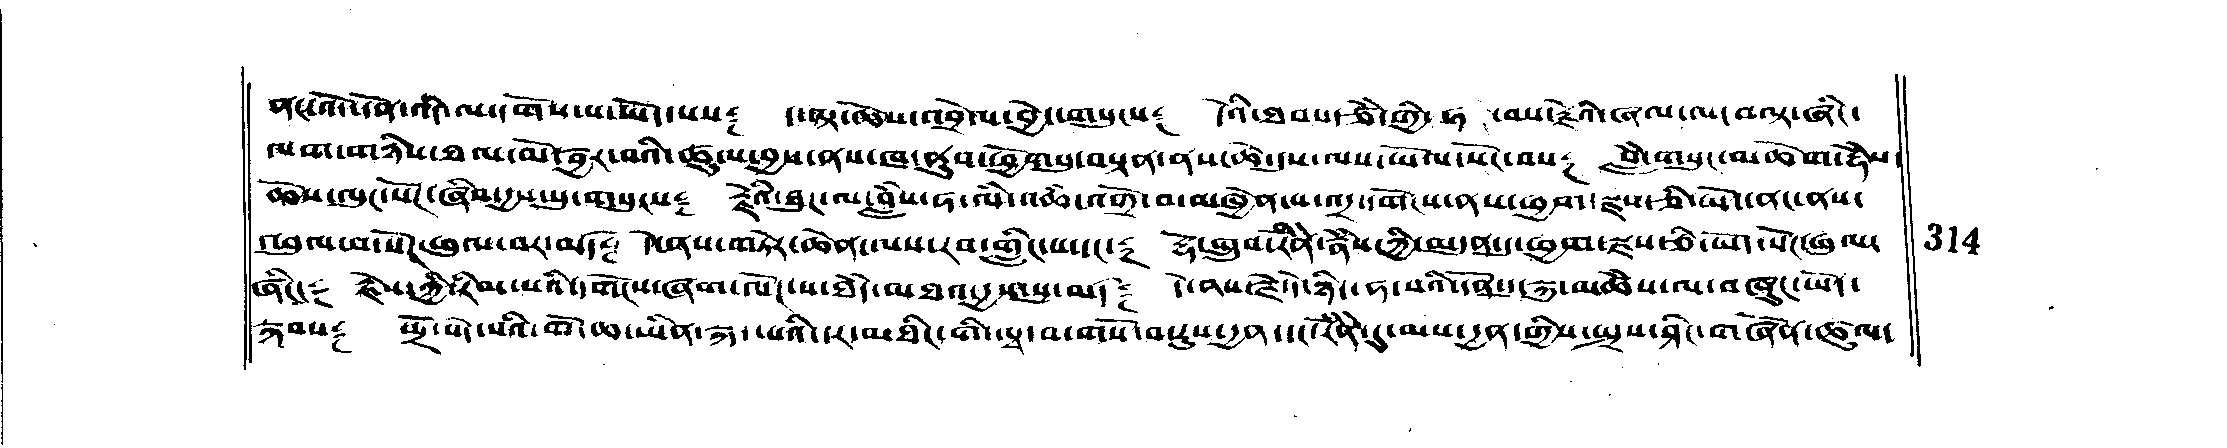ནངས་འོང་དོན་འདི་ལ་དགོས་པ་ཡོད་པས། ད་ལྟ་ཆོས་འབྲེལ་བྱེད་གསུངས། དེའི་ཐབས་ཙམ་གྱི་ཧ་བས་རྗེའི་ཞལ་ལ་བལྟ་ཞིང་
ལག་གཉིས་ཐལ་མོ་སྦྱར་བའི་ཚུལ་བྱས་ནས་ཁ་ནུབ་ཕྱོགས་སུ་བསྟན་ནས་ཚེ་དུས་ལས་ཡོལ་སོང་བས། བླ་མ་གསུང་མཆོག་རྡོ་རྗེས་
ཆོས་༼ཚེ་?༽ལུང་སོགས་ཞིབ་རྒྱས་སུ་གསུངས། རྗེའི་ཐུགས་ལ་བླ་མས་ཧ་ལི་འཆི་འགྲོ་བ་མཁྱེན་པ་འདྲ་དགོངས་ནས་ཕྱག་རྫས་ཅི་ཡོད་ནང་ནས་
འབུལ་བ་སོགས་ཕུལ་བར་མཛད། དེ་ནས་གཏེར་ཆེན་ལས་རབ་གླིང་པ་དང་། རྡོ་གྲུབ་རིན་པོ་ཆེ་རྣམས་ཀྱི་མདུན་དུ་ཕྱག་རྫས་ཅི་ཡོད་སོགས་ཕུལ་
ཞིང་། རྗེས་ཀྱི་རིམ་པའི་དགོངས་ཞག་ལ་སོགས་པ་ཐམས་ཅད་མཐའ་རྒྱས་སུ་མཛད། དེ་ནས་རྗེ་དེ་ཉིད་ཧ་བའི་དོན་དུ་སྐུ་མཚམས་ལ་བཞུགས་ཡོད་
སྐབས། མཁའ་འགྲོ་བདེ་བའི་གོ་ཆ་ཡིན་སྐད་པའི་དར་མཐིང་གི་ལྭ་བ་གསོ་བ་རུས་རྒྱན་དང་རིན་པོ་ཆེ་དུ་མས་རྒྱན་གྱིས་སྤྲས་ཤིང་གཞོན་ཚུལ་